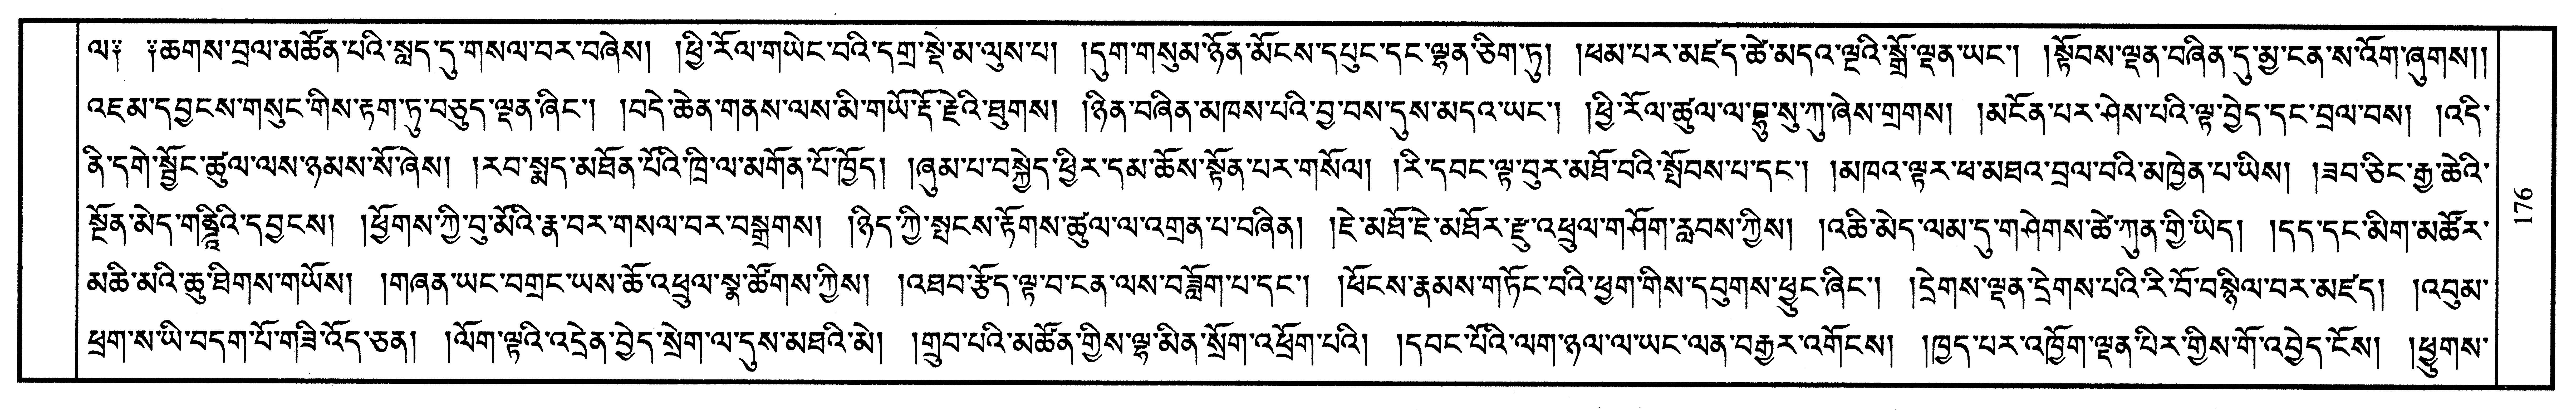ལ༑ ༑ཆགས་བྲལ་མཚོན་པའི་སླད་དུ་གསལ་བར་བཞེས། །ཕྱི་རོལ་གཡེང་བའི་དགྲ་སྡེ་མ་ལུས་པ་།དུག་གསུམ་ཉོན་མོངས་དཔུང་དང་ལྷན་ཅིག་ཏུ། །ཕམ་པར་མཛད་ཚེ་མདའ་ལྔའི་སྒྲོ་ལྡན་ཡང་། །སྟོབས་ལྡན་བཞིན་དུ་མྱ་ངན་ས་འོག་ཞུགས།།
འཇམ་དབྱངས་གསུང་གིས་རྟག་ཏུ་བཅུད་ལྡན་ཞིང་། །བདེ་ཆེན་གནས་ལས་མི་གཡོ་རྡོ་རྗེའི་ཐུགས། །ཉིན་བཞིན་མཁས་པའི་བྱ་བས་དུས་མདའ་ཡང་། །ཕྱི་རོལ་ཚུལ་ལ་བྷུ་སུ་ཀུ་ཞེས་གྲགས། །མངོན་པར་ཤེས་པའི་ལྟ་བྱེད་དང་བྲལ་བས། །འདི་
ནི་དགེ་སྦྱོང་ཚུལ་ལས་ཉམས་སོ་ཞེས། །རབ་སྨད་མཐོན་པོའི་ཁྲི་ལ་མགོན་པོ་ཁྱོད། །ཞུམ་པ་བསྐྱེད་ཕྱིར་དམ་ཆོས་སྟོན་པར་གསོལ། །རི་དབང་ལྟ་བུར་མཐོ་བའི་སྤོབས་པ་དང་། །མཁའ་ལྟར་ཕ་མཐའ་བྲལ་བའི་མཁྱེན་པ་ཡིས། །ཟབ་ཅིང་རྒྱ་ཆེའི་
སྔོན་མེད་གནྜཱིའི་དབྱངས། །ཕྱོགས་ཀྱི་བུ་མོའི་རྣ་བར་གསལ་བར་བསྒྲགས། །ཉིད་ཀྱི་སྤངས་རྟོགས་ཚུལ་ལ་འགྲན་པ་བཞིན། །ཇེ་མཐོ་ཇེ་མཐོར་རྫུ་འཕྲུལ་གཤོག་རླབས་ཀྱིས། །འཆི་མེད་ལམ་དུ་གཤེགས་ཚེ་ཀུན་གྱི་ཡིད། །དད་དང་མིག་མཚོར་
མཆི་མའི་ཆུ་ཐིགས་གཡོས། །གཞན་ཡང་བགྲང་ཡས་ཆོ་འཕྲུལ་སྣ་ཚོགས་ཀྱིས། །འཐབ་རྩོད་ལྟ་བ་ངན་ལས་བཟློག་པ་དང་། །ཕོངས་རྣམས་གཏོང་བའི་ཕྱག་གིས་དབུགས་ཕྱུང་ཞིང་། །དྲེགས་ལྡན་དྲེགས་པའི་རི་བོ་བསྙིལ་བར་མཛད། །འབུམ་
ཕྲག་ས་ཡི་བདག་པོ་གཟི་འོད་ཅན། །ལོག་ལྟའི་འདྲེན་བྱེད་སྲེག་ལ་དུས་མཐའི་མེ། །གྲུབ་པའི་མཚོན་གྱིས་ལྷ་མིན་སྲོག་འཕྲོག་པའི། །དབང་པོའི་ལག་ཉལ་ལ་ཡང་ལན་བརྒྱར་འགོངས། །ཁྱད་པར་འཁྱོག་ལྡན་པིར་གྱིས་གོ་འབྱེད་ངོས། །ཕྱུགས་